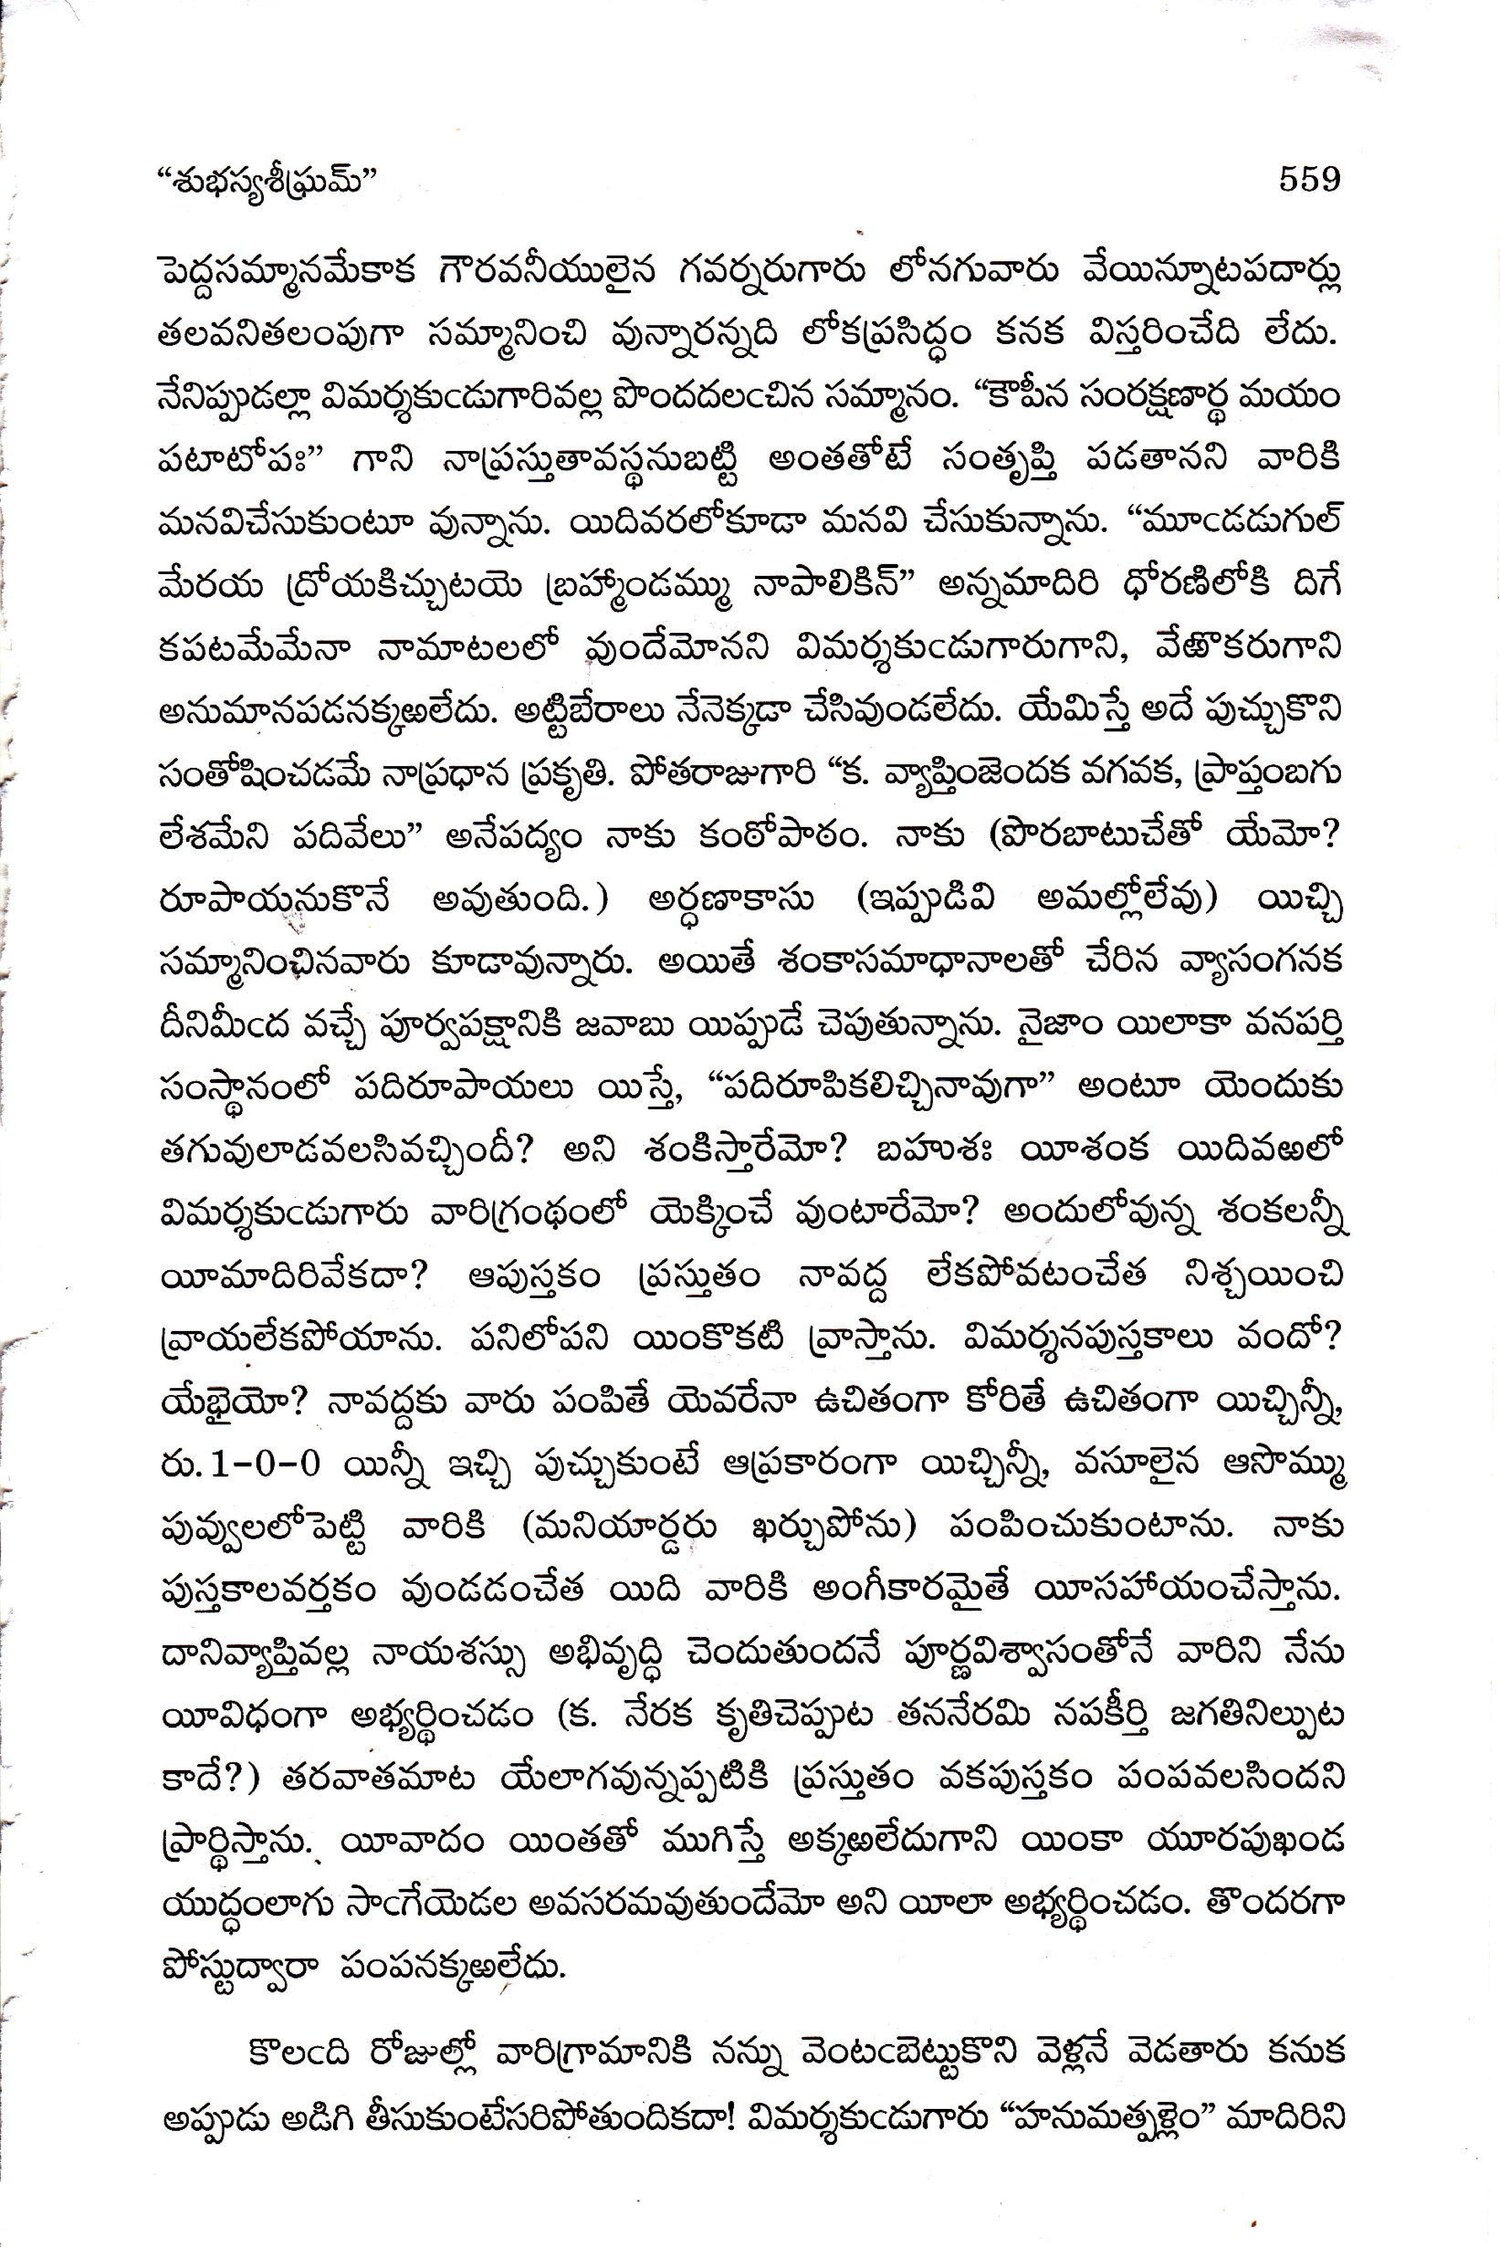పెద్దసమ్మానమేకాక గౌరవనీయులైన గవర్నరుగారు లోనగువారు వేయిన్నూటపదార్లు తలవనితలంపుగా సమ్మానించి వున్నారన్నది లోకప్రసిద్ధం కనక విస్తరించేది లేదు. నేనిప్పుడల్లా విమర్శకుఁడుగారివల్ల పొందదలఁచిన సమ్మానం. "కౌపీన సంరక్షణార్థ మయం పటాటోపః" గాని నాప్రస్తుతావస్థనుబట్టి అంతతోటే సంతృప్తి పడతానని వారికి మనవిచేసుకుంటూ వున్నాను. యిదివరలోకూడా మనవి చేసుకున్నాను. “మూఁడడుగుల్ మేరయ ద్రోయకిచ్చుటయె బ్రహ్మాండమ్ము నాపాలికిన్" అన్నమాదిరి ధోరణిలోకి దిగే కపటమేమేనా నామాటలలో వుందేమోనని విమర్శకుఁడుగారుగాని, వేఱొకరుగాని అనుమానపడనక్కఱలేదు. అట్టిబేరాలు నేనెక్కడా చేసివుండలేదు. యేమిస్తే అదే పుచ్చుకొని సంతోషించడమే నాప్రధాన ప్రకృతి. పోతరాజుగారి “క. వ్యాప్తింజెందక వగవక, ప్రాప్తంబగు లేశమేని పదివేలు" అనేపద్యం నాకు కంఠోపాఠం. నాకు (పొరబాటుచేతో యేమో? రూపాయనుకొనే అవుతుంది.) అర్ధణాకాసు (ఇప్పుడివి అమల్లోలేవు) యిచ్చి సమ్మానించినవారు కూడావున్నారు. అయితే శంకాసమాధానాలతో చేరిన వ్యాసంగనక దీనిమీcద వచ్చే పూర్వపక్షానికి జవాబు యిప్పుడే చెపుతున్నాను. నైజాం యిలాకా వనపర్తి సంస్థానంలో పదిరూపాయలు యిస్తే, “పదిరూపికలిచ్చినావుగా” అంటూ యెందుకు తగువులాడవలసివచ్చిందీ? అని శంకిస్తారేమో? బహుశః యీశంక యిదివఱలో విమర్శకుఁడుగారు వారి గ్రంథంలో యెక్కించే వుంటారేమో? అందులోవున్న శంకలన్నీ యీమాదిరివేకదా? ఆపుస్తకం ప్రస్తుతం నావద్ద లేకపోవటంచేత నిశ్చయించి వ్రాయలేకపోయాను. పనిలోపని యింకొకటి వ్రాస్తాను. విమర్శనపుస్తకాలు వందో? యేభైయో? నావద్దకు వారు పంపితే యెవరేనా ఉచితంగా కోరితే ఉచితంగా యిచ్చిన్నీ రు. 1–0–0 యిన్నీ ఇచ్చి పుచ్చుకుంటే ఆప్రకారంగా యిచ్చిన్నీ వసూలైన ఆసొమ్ము పువ్వులలోపెట్టి వారికి (మనియార్డరు ఖర్చుపోను) పంపించుకుంటాను. నాకు పుస్తకాలవర్తకం వుండడంచేత యిది వారికి అంగీకారమైతే యీసహాయంచేస్తాను. దానివ్యాప్తివల్ల నాయశస్సు అభివృద్ధి చెందుతుందనే పూర్ణవిశ్వాసంతోనే వారిని నేను యూవిధంగా అభ్యర్థించడం (క. నేరక కృతిచెప్పుట తననేరమి నపకీర్తి జగతినిల్పుట కాదే?) తరవాతమాట యేలాగవున్నప్పటికి ప్రస్తుతం వకపుస్తకం పంపవలసిందని ప్రార్థిస్తాను. యీవాదం యింతతో ముగిస్తే అక్కఱలేదుగాని యింకా యూరపుఖండ యుద్ధంలాగు సాఁగేయెడల అవసరమవుతుందేమో అని యీలా అభ్యర్థించడం. తొందరగా పోస్టుద్వారా పంపనక్కఱలేదు.

కొలఁది రోజుల్లో వారి గ్రామానికి నన్ను వెంటఁబెట్టుకొని వెళ్లనే వెడతారు కనుక అప్పుడు అడిగి తీసుకుంటేసరిపోతుందికదా! విమర్శకుఁడుగారు "హనుమత్పళ్లెం" మాదిరిని